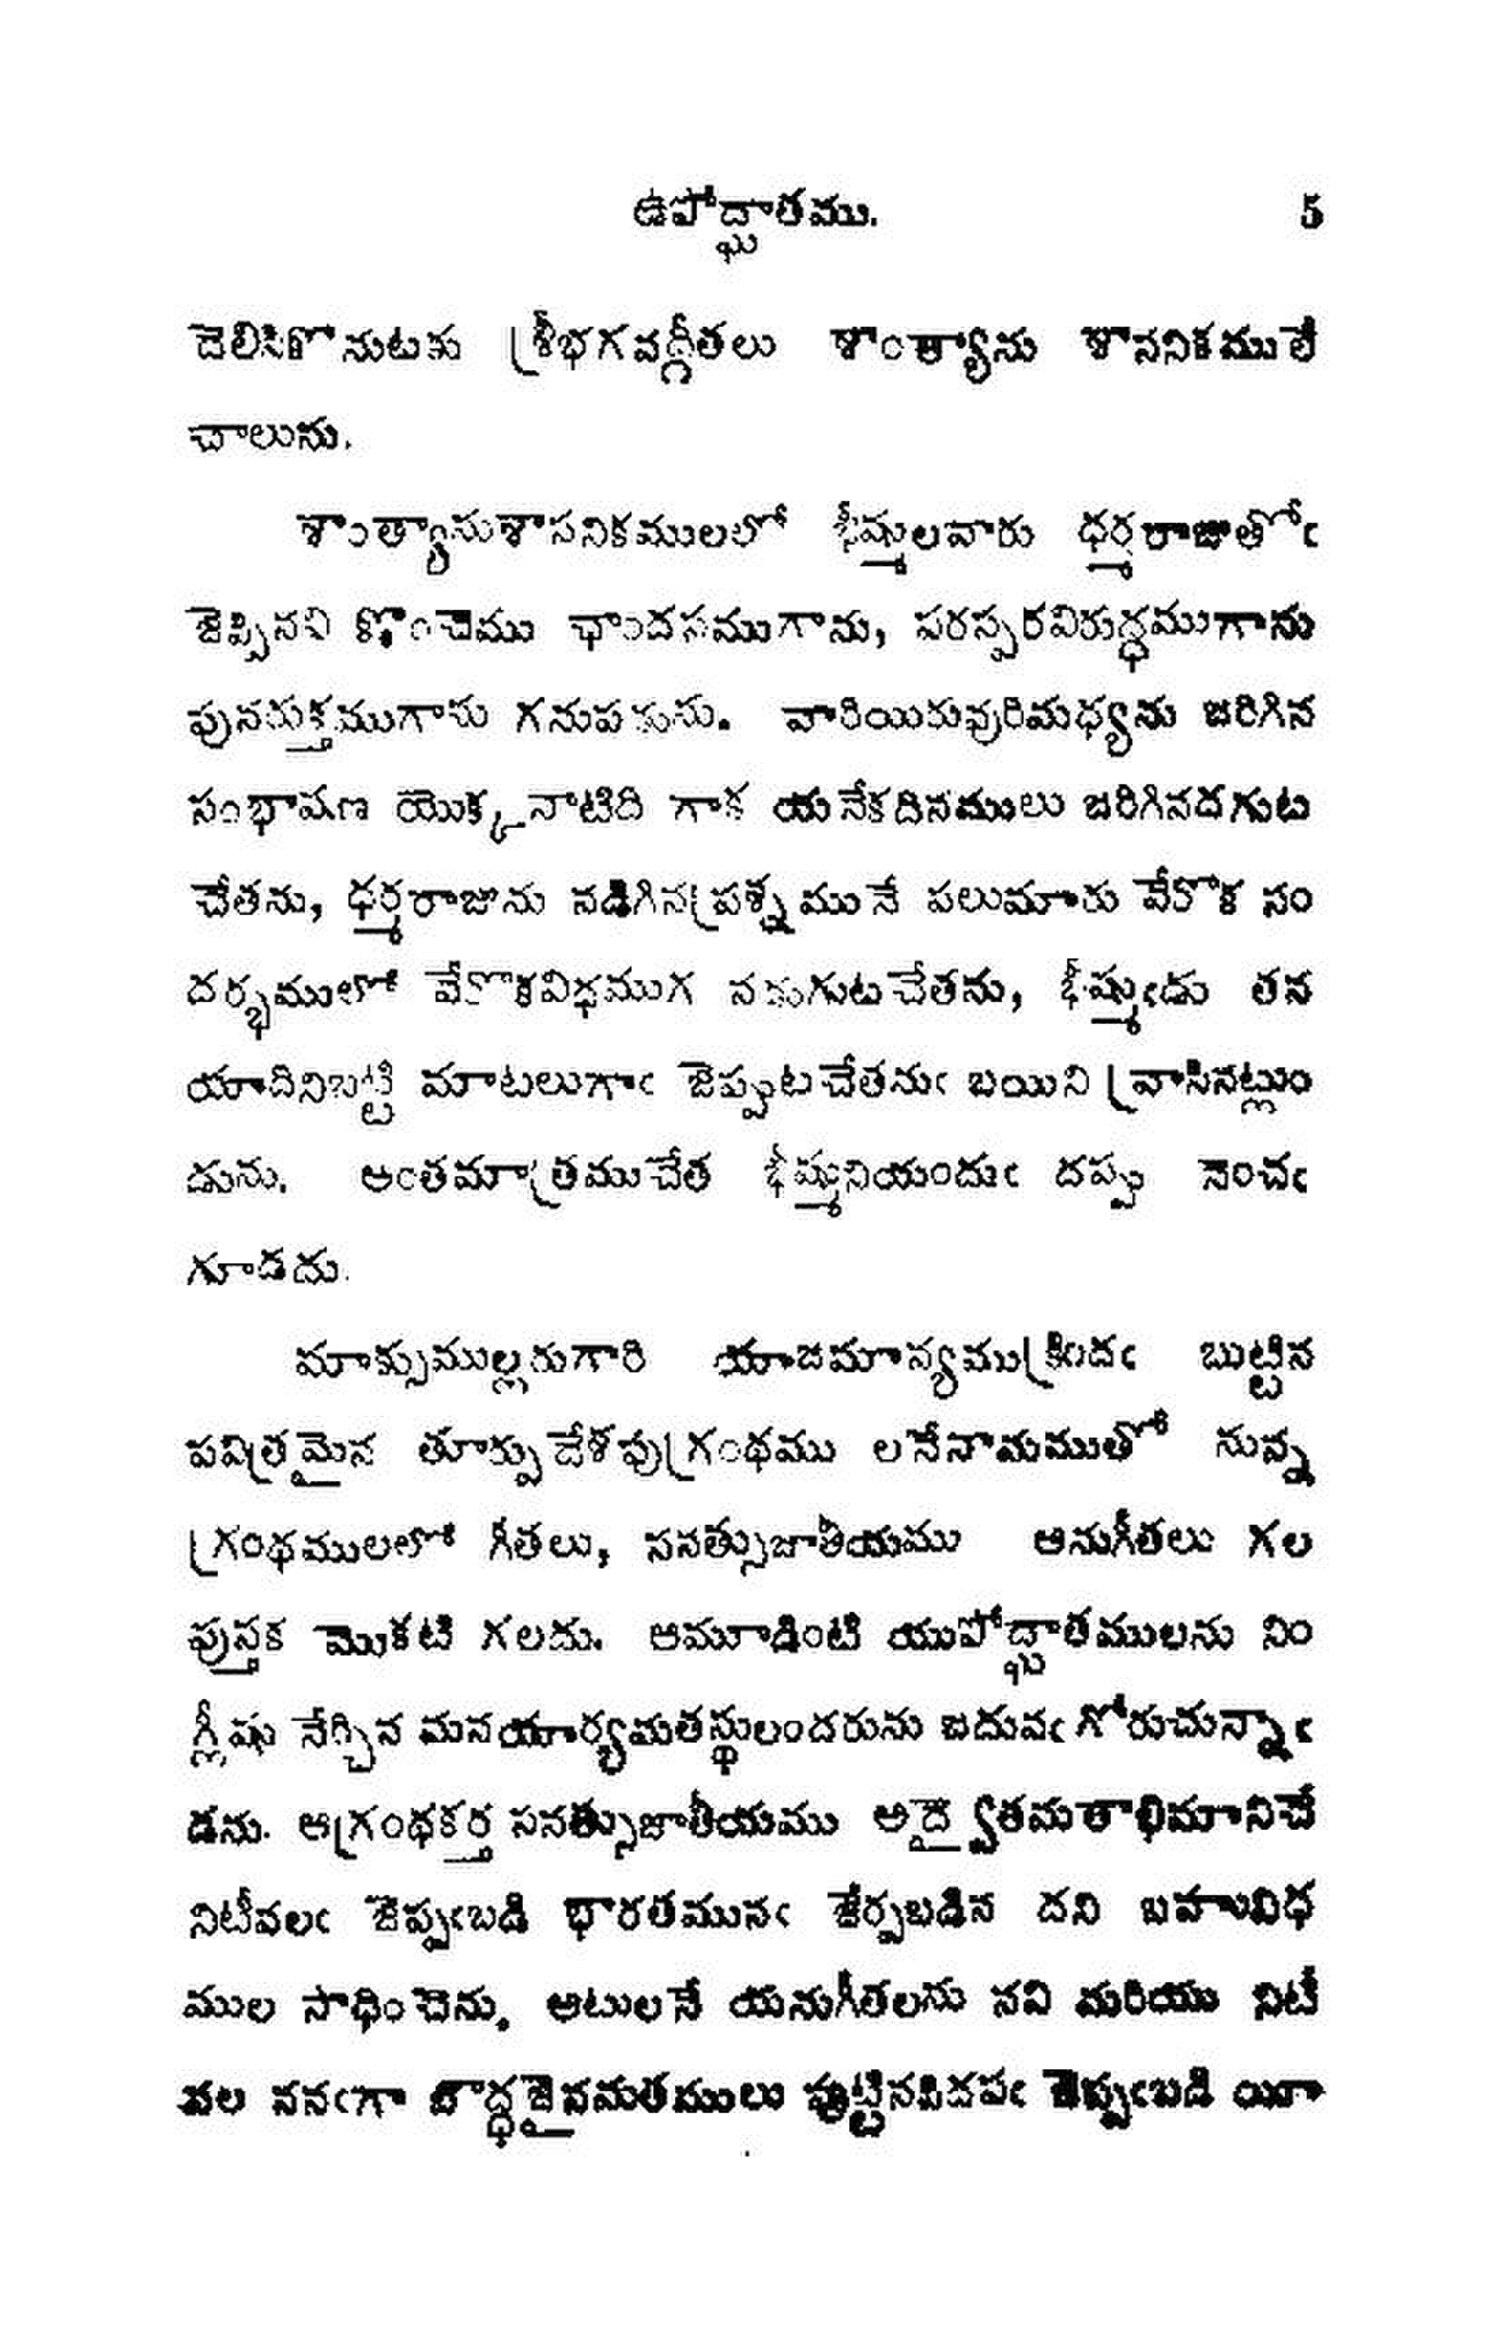దెలిసికొనుటకు శ్రీభగవద్గీతలు శాంత్యాను శాసనికములే చాలును.

శాంత్యానుశాసనికములలో భీష్ములవారు ధర్మరాజుతోఁ జెప్పినవి కొంచెము ఛాందసముగాను, పరస్పరవిరుద్ధముగాను పునరుక్తముగాను గనుపడును. వారియిరువురిమధ్యను జరిగిన సంభాషణ యొక్క నాటిది గాక యనేకదినములు జరిగినదగుట చేతను, ధర్మరాజును నడిగినప్రశ్నమునే పలుమారు వేరొక సందర్భములో వేరొకవిధముగ నడుగుటచేతను, భీష్ముఁడు తన యాదినిబట్టి మాటలుగాఁ జెప్పుటచేతనుఁ బయిని వ్రాసినట్లుండును. అంతమాత్రముచేత భీష్మునియందుఁ దప్పు నెంచఁ గూడదు.

మాక్సుముల్లరుగారి యాజమాన్యముక్రిందఁ బుట్టిన పవిత్రమైన తూర్పుదేశపుగ్రంథము లనేనామముతో నున్న గ్రంథములలో గీతలు, సనత్సుజాతీయము అనుగీతలు గల పుస్తక మొకటి గలదు. ఆమూడింటి యుపోద్ఘాతములను నింగ్లీషు నేర్చిన మనయార్యమతస్థులందరును జదువఁ గోరుచున్నాఁడను. ఆగ్రంథకర్త సనత్సుజాతీయము అద్వైతమతాభిమానిచే నిటీవలఁ జెప్పఁబడి భారతమునఁ జేర్పబడిన దని బహువిధముల సాధించెను. అటులనే యనుగీతలను నవి మరియు నిటీవల ననఁగా బౌద్ధజైనమతములు పుట్టినపిదపఁ జెప్పఁబడి యీ